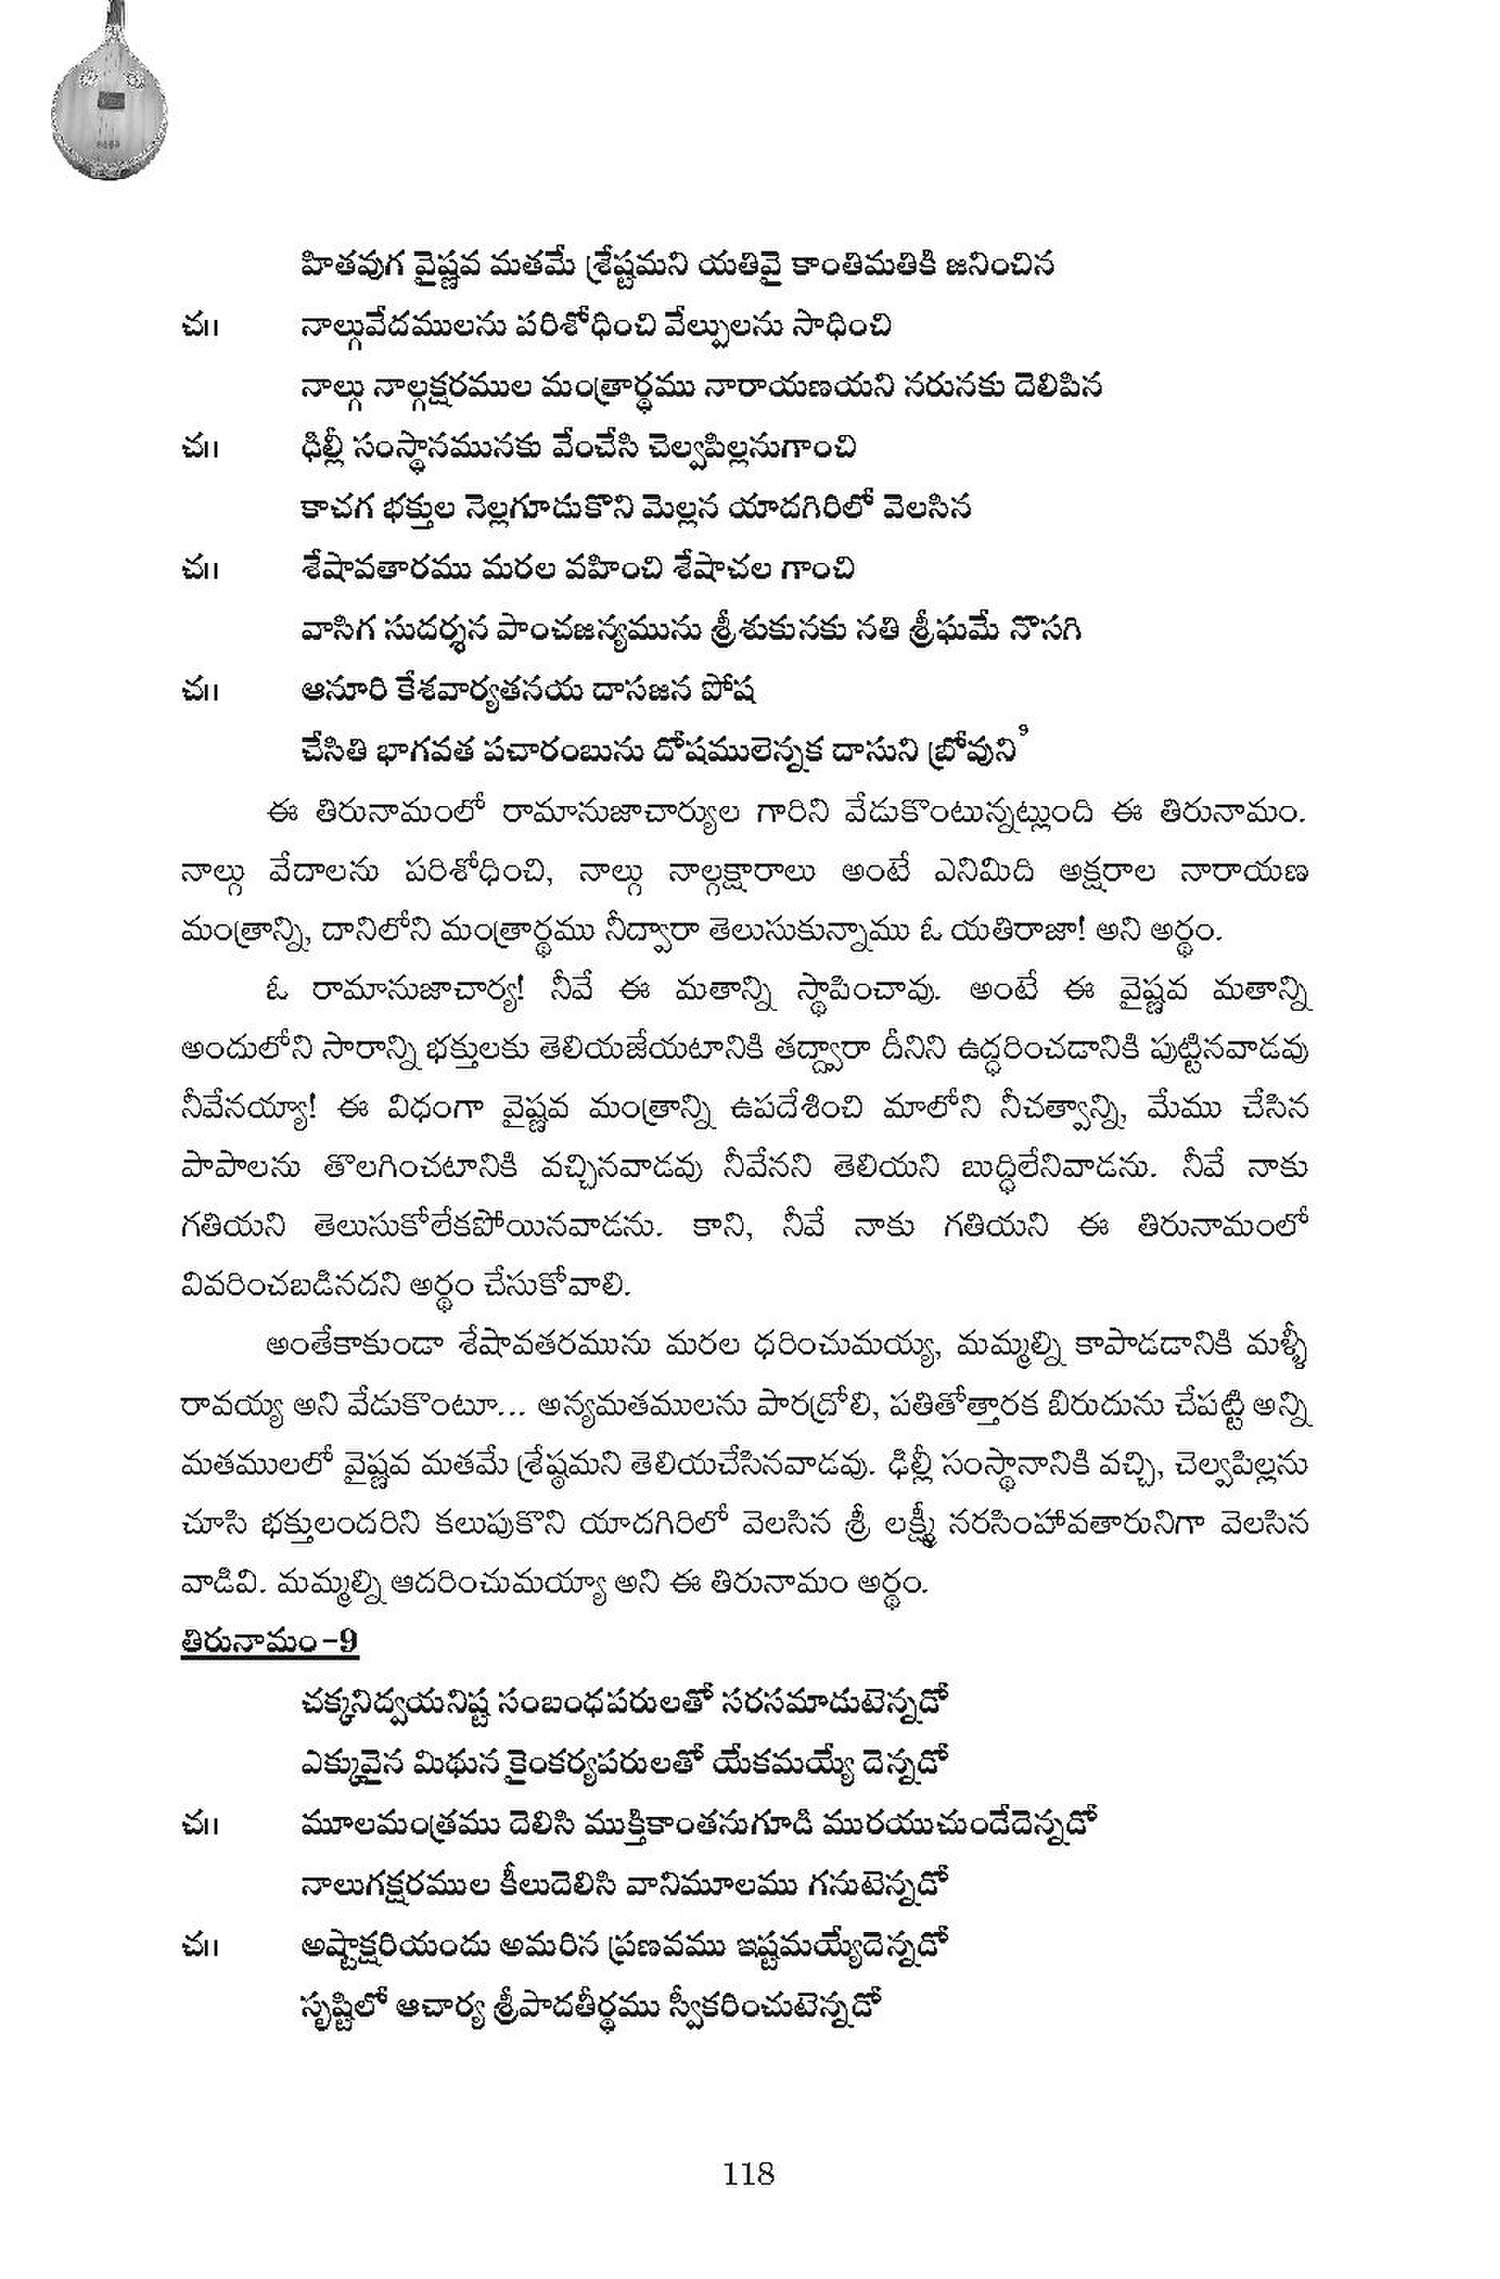హితవుగ వైష్ణవ మతమే శ్రేష్టమని యతివై కాంతిమతికి జనించిన

చ౹౹ నాల్గువేదములను పరిశోధించి వేల్పులను సాధించి
నాల్గు నాల్గక్షరముల మంత్రార్థము నారాయణయని నరునకు దెలిపిన

చ౹౹ ఢిల్లీ సంస్థానమునకు వేంచేసి చెల్వపిల్లనుగాంచి
కాచగ భక్తుల నెల్లగూడుకొని మెల్లన యాదగిరిలో వెలసిన

చ౹౹ శేషావతారము మరల వహించి శేషాచల గాంచి
వాసిగ సుదర్శన పాంచజన్యమును శ్రీశుకునకు నతి శ్రీఘమే నొసగి

చ౹౹ ఆనూరి కేశవార్యతనయ దాసజన పోష
చేసితి భాగవత పచారంబును దోషములెన్నక దాసుని బ్రోవుని9

ఈ తిరునామంలో రామానుజాచార్యుల గారిని వేడుకొంటున్నట్లుంది ఈ తిరునామం. నాల్గు వేదాలను పరిశోధించి, నాల్గు నాల్గక్షారాలు అంటే ఎనిమిది అక్షరాల నారాయణ మంత్రాన్ని, దానిలోని మంత్రార్థము నీద్వారా తెలుసుకున్నాము ఓ యతిరాజా! అని అర్థం.

ఓ రామానుజాచార్య! నీవే ఈ మతాన్ని స్థాపించావు. అంటే ఈ వైష్ణవ మతాన్ని అందులోని సారాన్ని భక్తులకు తెలియ జేయటానికి తద్ద్వారా దీనిని ఉద్దరించడానికి పుట్టినవాడవు నీవేనయ్యా! ఈ విధంగా వైష్ణవ మంత్రాన్ని ఉపదేశించి మాలోని నీచత్వాన్ని, మేము చేసిన పాపాలను తొలగించటానికి వచ్చినవాడవు నీవేనని తెలియని బుద్ధిలేనివాడను. నీవే నాకు
గతియని తెలుసుకోలేకపోయినవాడను. కాని, నీవే నాకు గతియని ఈ తిరునామంలో వివరించబడినదని అర్థం చేసుకోవాలి.

అంతేకాకుండా శేషావతరమును మరల ధరించుమయ్య, మమ్మల్ని కాపాడడానికి మళ్ళీ రావయ్య అని వేడుకొంటూ... అన్యమతములను పారద్రోలి, పతితోత్తారక బిరుదును చేపట్టి అన్ని మతములలో వైష్ణవ మతమే శ్రేష్ఠమని తెలియ చేసినవాడవు. ఢిల్లీ సంస్థానానికి వచ్చి, చెల్వపిల్లను చూసి భక్తులందరిని కలుపుకొని యాదగిరిలో వెలసిన శ్రీ లక్ష్మీ నరసింహావతారునిగా వెలసిన వాడివి. మమ్మల్ని ఆదరించుమయ్యా అని ఈ తిరునామం అర్థం.

తిరునామం-9

చ౹౹ చక్కనిద్వయనిష్ట సంబంధపరులతో సరసమాడుటెన్నడో
ఎక్కువైన మిథున కైంకర్యపరులతో యేకమయ్యే దెన్నడో

చ౹౹ మూలమంత్రము దెలిసి ముక్తికాంతనుగూడి మురియుచుండేదెన్నడో
నాలుగక్షరముల కీలుదెలిసి వానిమూలము గనుటెన్నడో

చ౹౹ అష్టాక్షరియందు అమరిన ప్రణవము ఇష్టమయ్యేదెన్నడో
సృష్టిలో ఆచార్య శ్రీపాదతీర్థము స్వీకరించుటెన్నదో